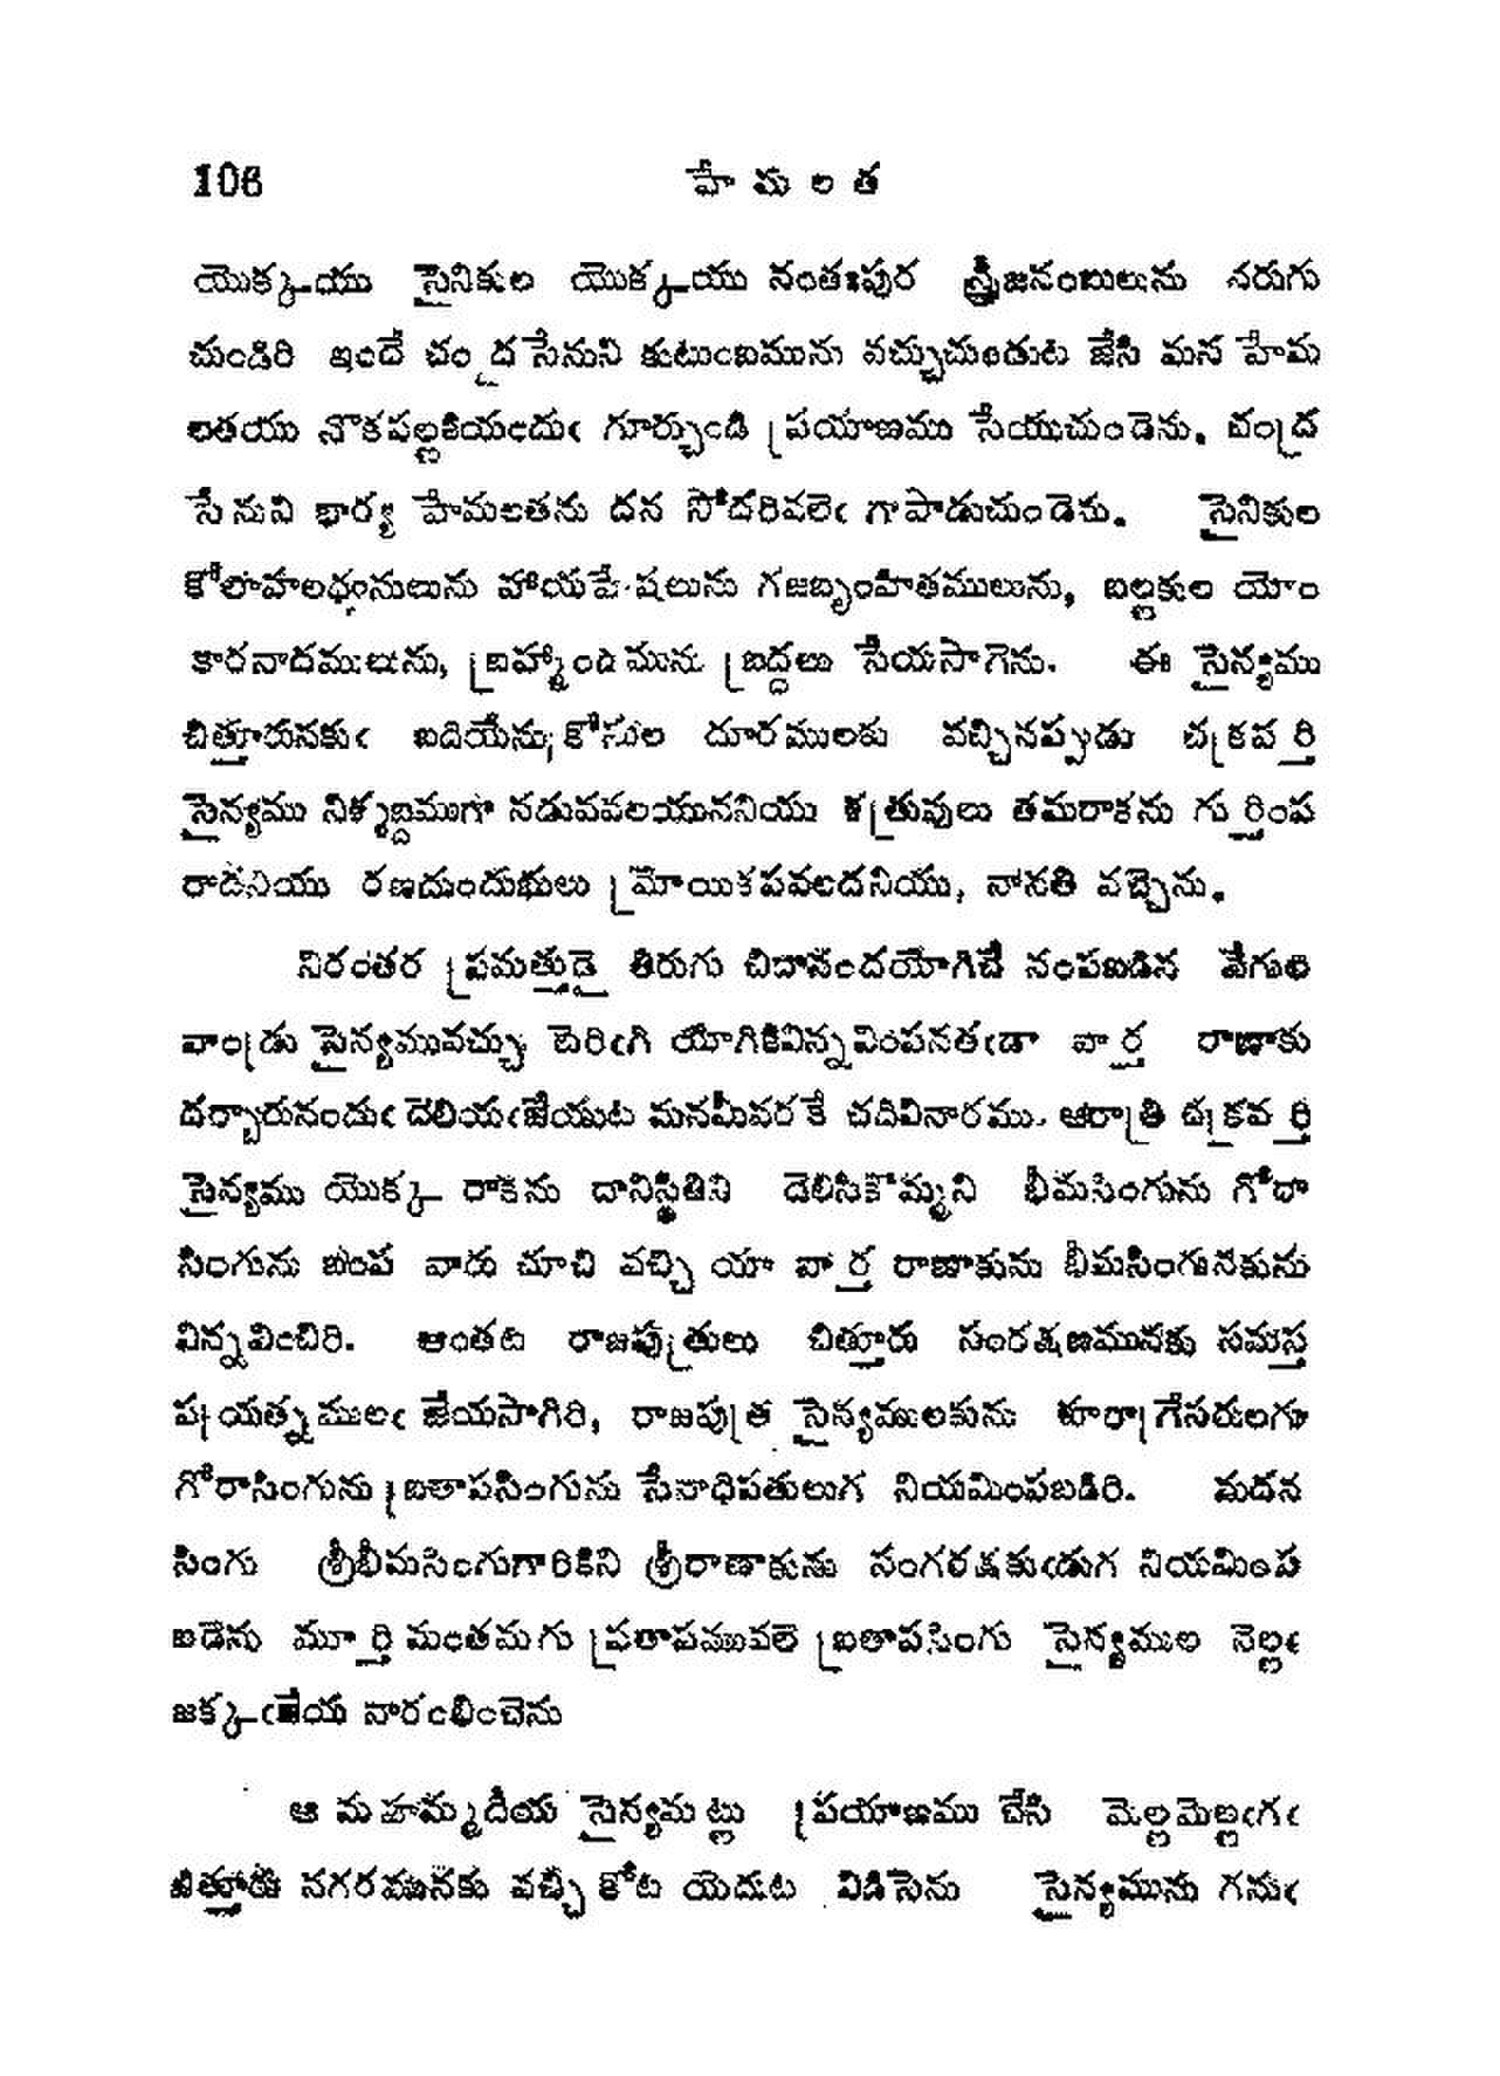యొక్కయు సైనికుల యొక్కయు నంతఃపుర స్త్రీజనంబులును నరుగుచుండిరి. ఇందే చంద్రసేనుని కుటుంబమును వచ్చుచుండుట జేసి మన హేమలతయు నొకపల్లకియందుఁ గూర్చుండి ప్రయాణము సేయుచుండెను. చంద్రసేనుని భార్య హేమలతను దన సోదరివలెఁ గాపాడుచుండెను. సైనికుల కోలాహలధ్వనులును హాయహేషలును గజబృంహితములును, బల్లకుల యోంకారనాదములును, బ్రహ్మాండమును బ్రద్దలు సేయసాగెను. ఈ సైన్యము చిత్తూరునకుఁ బదియేనుక్రోసుల దూరములకు వచ్చినప్పుడు చక్రవర్తి సైన్యము నిశ్శబ్దముగా నడువవలయుననియు శత్రువులు తమరాకను గుర్తించరాదనియు రణదుందుభులు మ్రోయింపవలదనియు నానతి నిచ్చెను.

నిరంతర ప్రమత్తుడై తిరుగు చిదానందయోగిచే నంపబడిన వేగులవాండ్రు సైన్యమువచ్చు టెరిఁగి యోగికి విన్నవింపనతఁడా వార్త రాజుకు దర్బారునందు దెలియజేయుట మనమీవరకే చదివినాము. ఆరాత్రి చక్రవర్తి సైన్యము యొక్క రాకను దానిస్థితిని దెలిసికొమ్మని భీమసింగును గోరాసింగును బంప వారు చూచి వచ్చి యావార్త రాణాకును భీమసింగునకు విన్నవించిరి. అంతట రాజపుత్రులు చిత్తూరు సంరక్షణమునకు సమస్త ప్రయత్నములఁ జేయసాగిరి. రాజపుత్ర సైన్యములకును శూరాగ్రేసరులగు గోరాసింగును బ్రతాపసింగును సేనాధిపతులుగ నియమింపబడిరి. మదనసింగు శ్రీభీమసింగుగారికిని శ్రీరాణాకును నంగరక్షకుఁడుగ నియమింపబడెను. మూర్తిమంతమగు ప్రతాపమువలె బ్రతాపసింగు సైన్యముల నెల్ల జక్కజేయ నారంభించెను.

ఆ మహమ్మదీయ సైన్యమట్లు ప్రయాణముచేసి మెల్లమెల్లగ జిత్తూరు నగరమునకు వచ్చికోట యెదుట విడిసెను. సైన్యమును గనుఁ